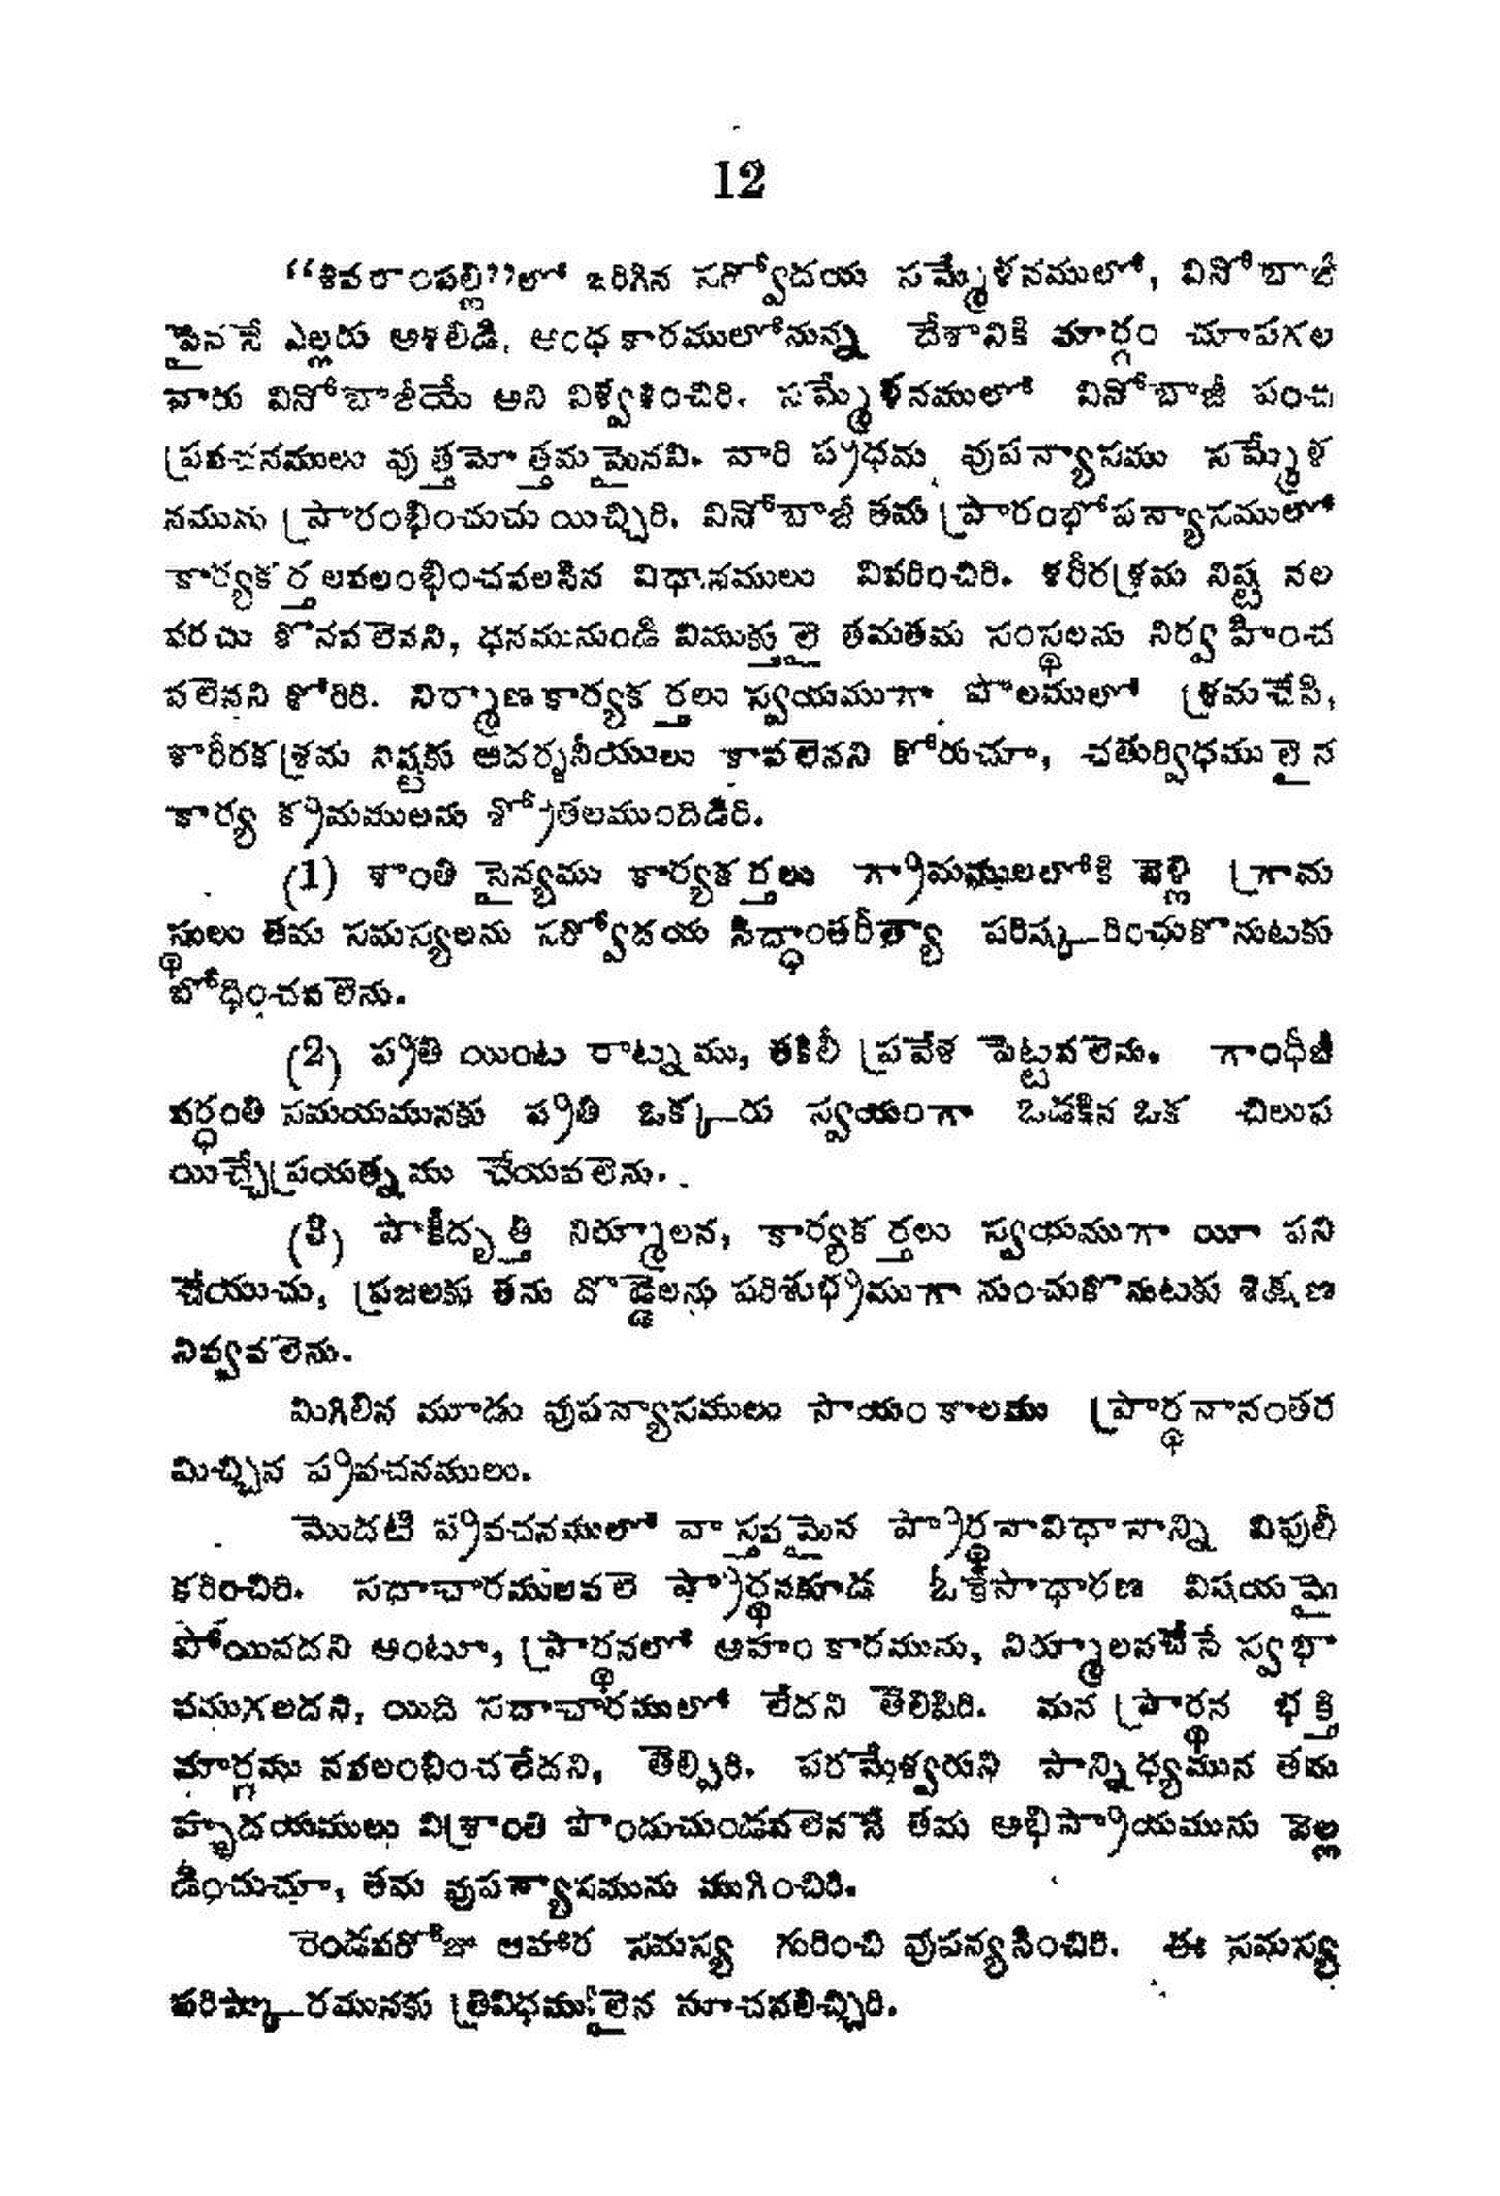"శివరాంపల్లి"లో జరిగిన సర్వోదయ సమ్మేళనములో, వినోబాజీ పైననే ఎల్లరు ఆశలిడి, అంధకారములోనున్న దేశానికి మార్గం చూపగలవారు వినోబాజీయే అని విశ్వశించిరి. సమ్మేళనములో వినోబాజీ పంచ ప్రవచనములు వుత్తమోత్తమమైనవి. వారి ప్రధమ వుపన్యాసము సమ్మేళనమును ప్రారంభించుచు యిచ్చిరి. వినోబాజీ తమ ప్రారంభోపన్యాసములో కార్యకర్తలవలంభించవలసిన విధానములు వివరించిరి. శరీరశ్రమ నిష్ఠ నలవరచు కొనవలెనని, ధనమునుండి విముక్తులై తమతమ సంస్థలను నిర్వహించవలెనని కోరిరి. నిర్మాణకార్యకర్తలు స్వయముగా పొలములో శ్రమచేసి, శారీరకశ్రమ నిష్టకు ఆదర్శనీయులు కావలెనని కోరుచూ, చతుర్విధములైన కార్య క్రమములను శ్రోతలముందిడిరి.

(1) శాంతి సైన్యము కార్యకర్తలు గ్రామములలోకి వెళ్లి గ్రామస్థులు తమ సమస్యలను సర్వోదయ సిద్ధాంతరీత్యా పరిష్కరించుకొనుటకు బోధించవలెను.

(2) ప్రతి యింట రాట్నము, తకిలీ ప్రవేశ పెట్టవలెను. గాంధీజీ వర్ధంతి సమయమునకు ప్రతి ఒక్కరు స్వయంగా ఒడకిన ఒక చిలుప యిచ్చేప్రయత్నము చేయవలెను.

(3) పాకీదృత్తి నిర్మూలన, కార్యకర్తలు స్వయముగా యీ పని చేయుచు, ప్రజలకు తను దొడ్డెలను పరిశుభ్రముగా నుంచుకొనుటకు శిక్షణ నివ్వవలెను.

మిగిలిన మూడు పుపన్యాసములు సాయంకాలము ప్రార్థనానంతర మిచ్చిన ప్రవచనములు.

మొదటి ప్రవచనములో వాస్తవమైన ప్రార్థనావిధానాన్ని విఫులీకరించిరి. సదాచారములవలె ప్రార్థనకూడ ఓకేసాధారణ విషయమై పోయినదని అంటూ, ప్రార్థనలో ఆహం కారమును, నిర్మూలనచేసే స్వభావముగలదని, యిది సదాచారములో లేదని తెలిపిరి. మన ప్రార్థన భక్తిమార్గము నవలంభించలేదని, తెల్పిరి. పరమేశ్వరుని సాన్నిధ్యమున తమ హృదయములు విశ్రాంతి పొందుచుండవలెననే తమ అభిప్రాయమును వెల్లడించుచూ, తమ పుపన్యాసమును ముగించిరి.

రెండవరోజు ఆహార సమస్య గురించి వుపన్యసించిరి. ఈ సమస్య పరిష్కారమునకు త్రివిధములైన నూచనలిచ్చిరి.